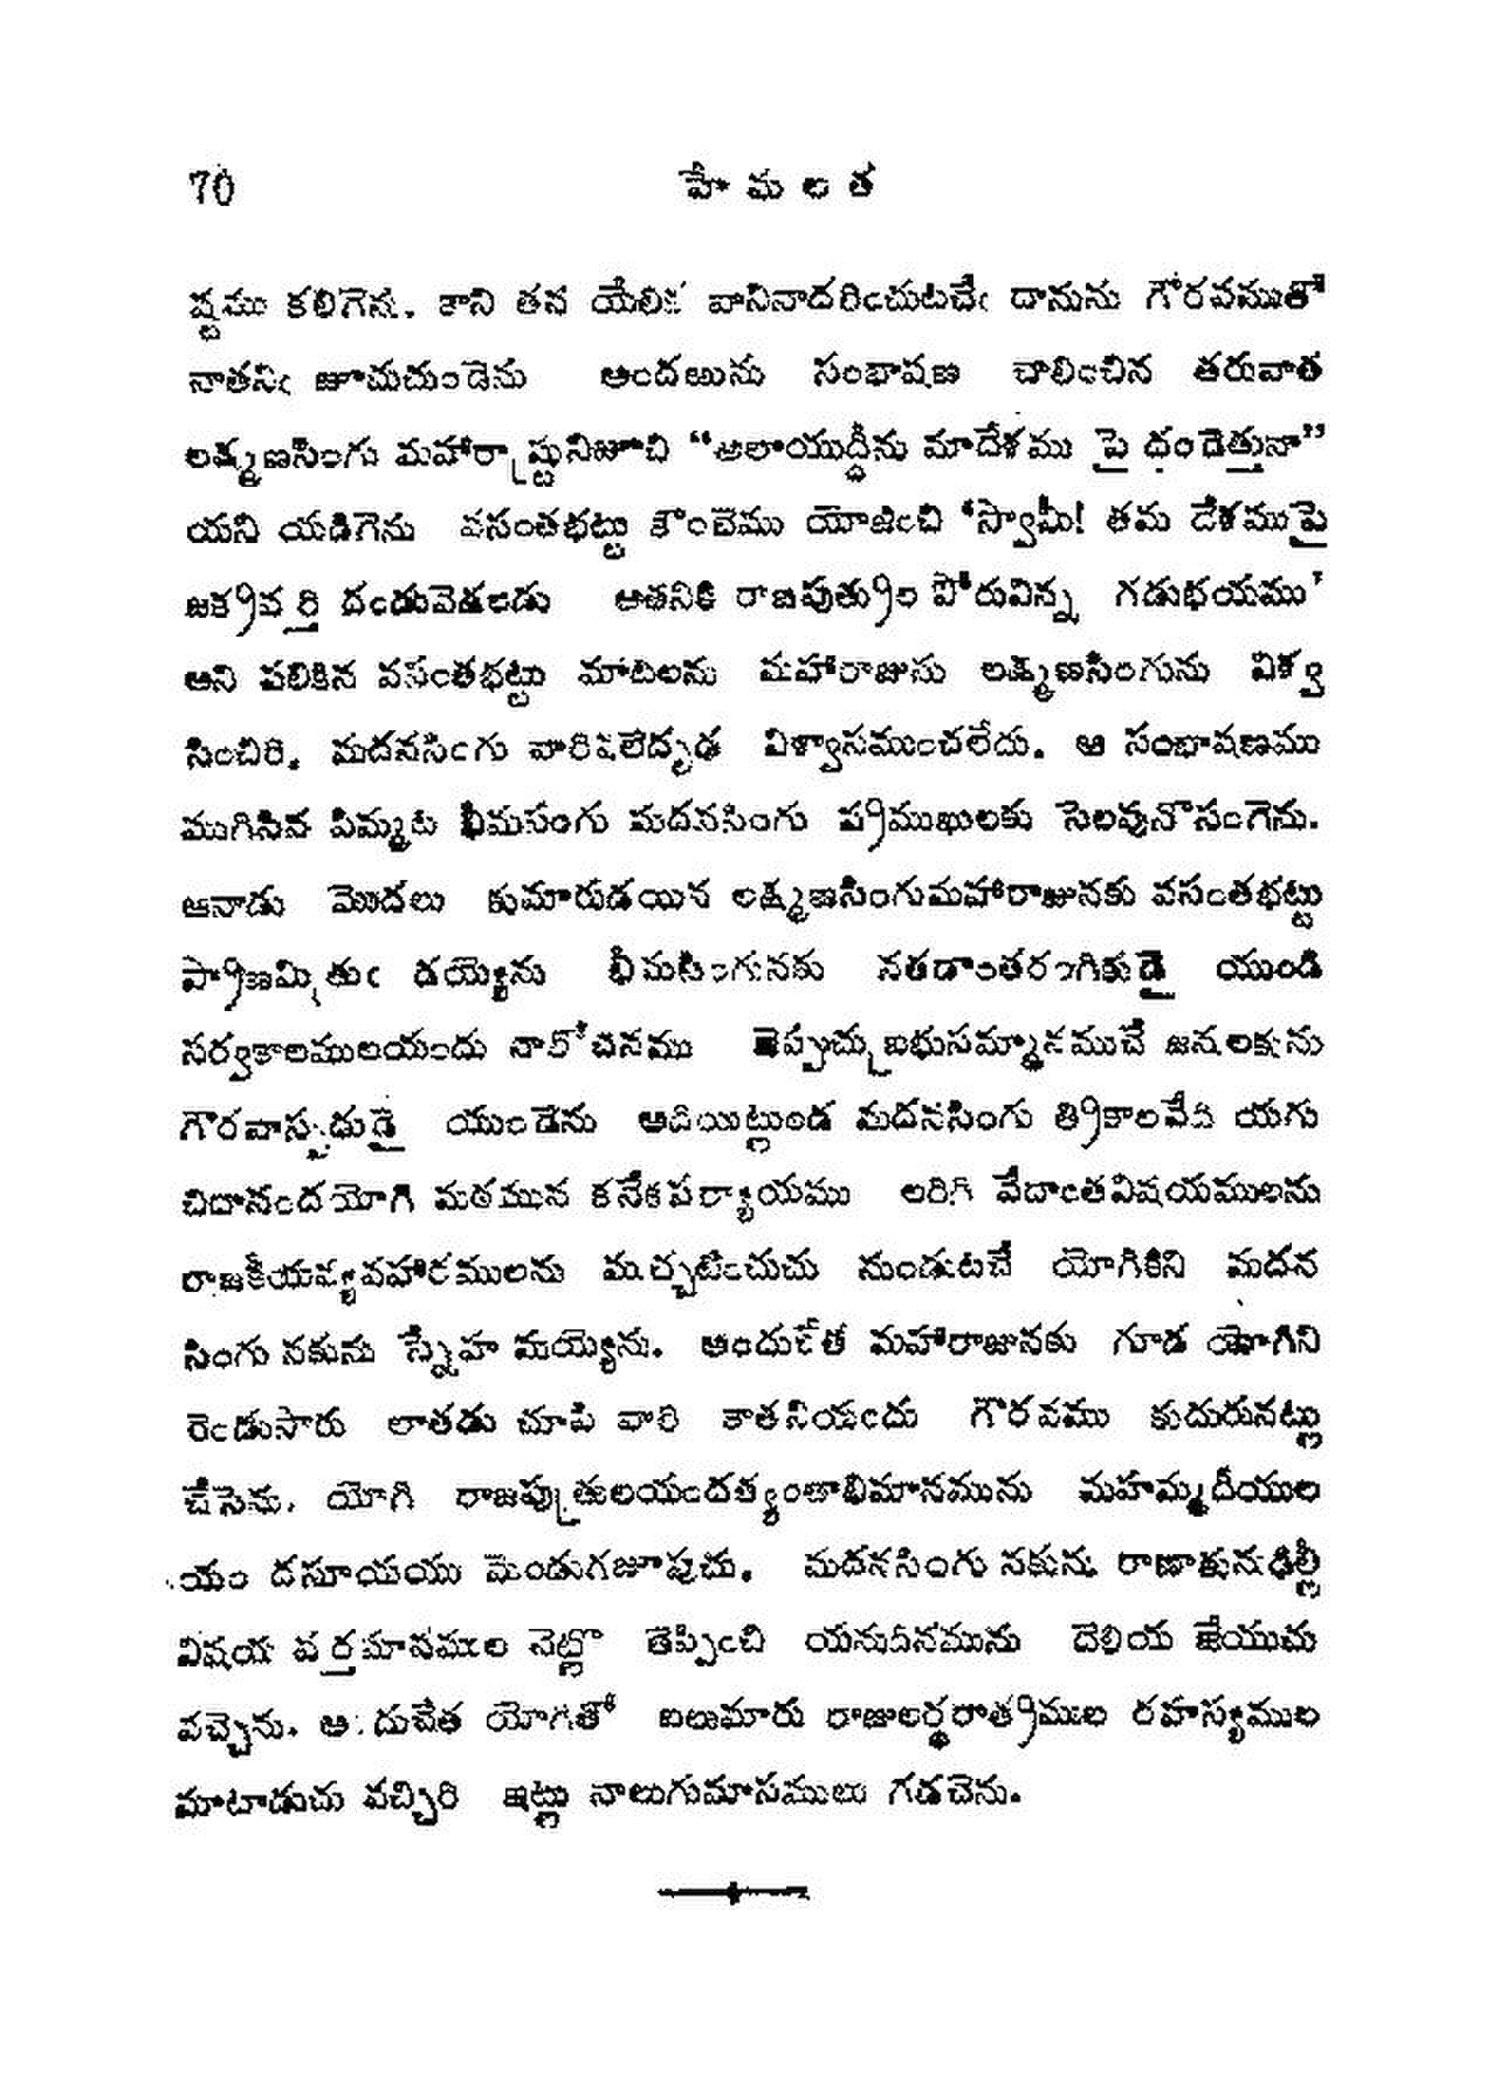ష్టము కలిగెను. కాని తన యేలిక వానినాదరించుటచే దానును గౌరవముతో నాతనిఁ జూచుచుండెను. అందఱును సంభాషణ చాలించిన తరువాత లక్ష్మణసింగు మహారాష్ట్రునిజూచి “అల్లాయుద్దీను మాదేశముపై దండెత్తునా” యని యడిగెను. వసంతభట్టు కొంచెము యోజించి ‘స్వామీ! తమ దేశముపై జక్రవర్తి దండువెడలడు. అతనికి రాజపుత్రుల పోరువిన్న గడుభయము’ అని పలికిన వసంతభట్టు మాటలను మహారాజును లక్ష్మణసింగును విశ్వసించిరి. మదనసింగు వారివలెదృఢ విశ్వాసముంచలేదు. ఆ సంభాషణము ముగిసిన పిమ్మట భీమసింగు మదనసింగు ప్రముఖులకు సెలవునొసంగెను. ఆనాడు మొదలు కుమారుడయిన లక్ష్మణసింగుమహారాజునకు వసంతభట్టు ప్రాణమిత్రుఁ డయ్యెను. భీమసింగునకు నత డాంతరంగికుడై యుండి సర్వకాలములయందు నాలోచనము జెప్పుచుబ్రభుసమ్మానముచే జనులకును గౌరవాస్పదుడై యుండెను. అదియిట్లుండ మదనసింగు త్రికాలవేది యగు చిదానందయోగి మఠమున కనేకపర్యాయము లరిగి వేదాంతవిషయములను రాజకీయవ్యవహారములను ముచ్చటించుచు నుండుటచే యోగికిని మదనసింగు నకును స్నేహమయ్యెను. అందుచేత మహారాజునకు గూడ యోగిని రెండుసారు లాతడు చూసి వారి కాతని యందు గౌరవము కుదురునట్లు చేసెను. యోగి రాజపుత్రులయందత్యంతాభిమానమును మహమ్మదీయుల యందసూయ మెండుగజూపుచు, మదనసింగునకును, రాణాకునుఢిల్లీ విషయ వర్తమానముల నెట్లో తెప్పించి యనుదినమును దెలియ జేయుచువచ్చెను. అందుచేత యోగితో బలుమారు రాజులర్ధరాత్రముల రహస్యముల మాటాడుచు వచ్చిరి. ఇట్లు నాలుగుమాసములు గడచెను.